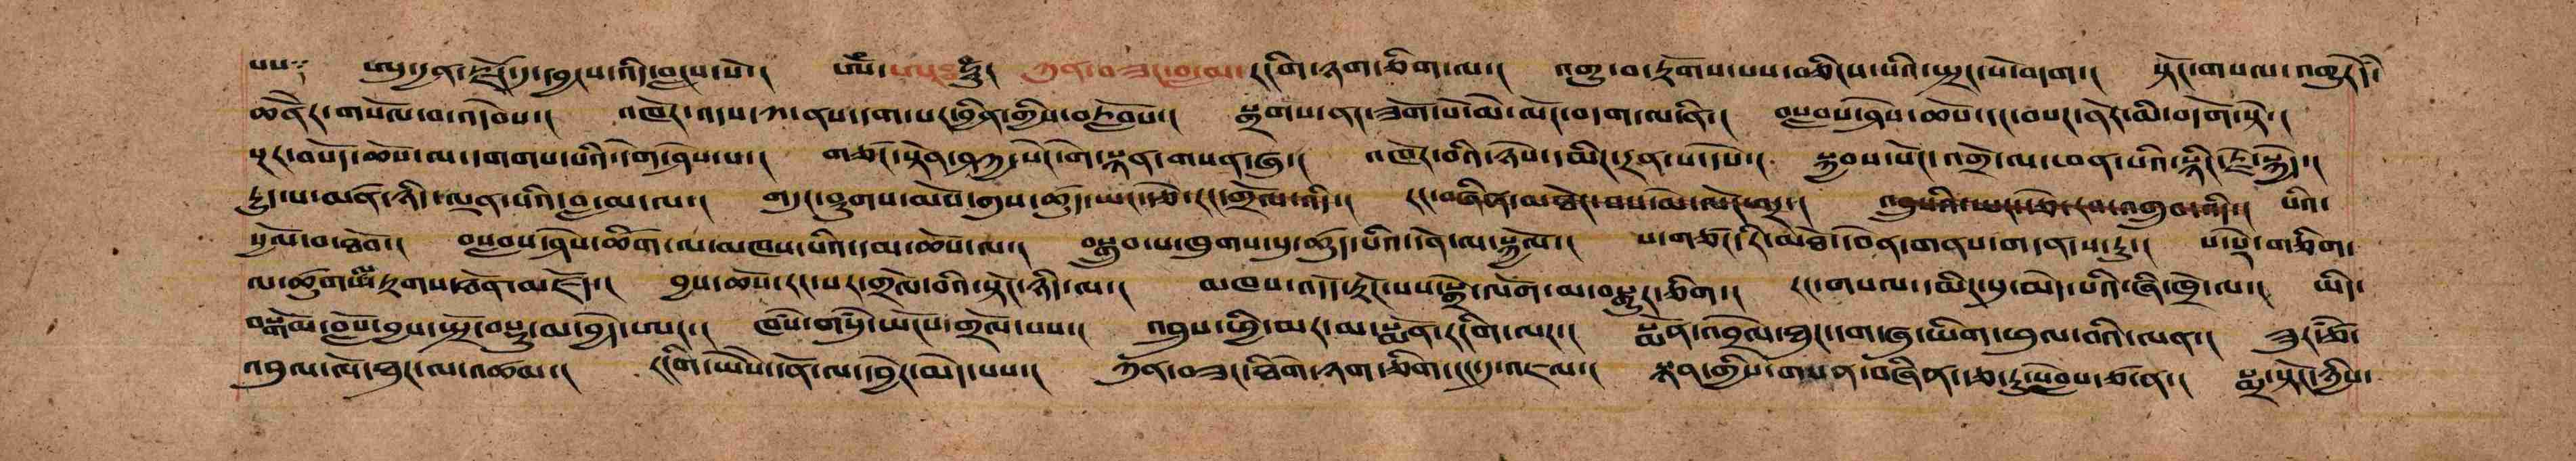པས༑ ཨུ་རྒྱན་རྫོང་དུ་དབྱངས་འདི་བླངས་སོ། ཨོྃ་ཨཿ ཧཱུཾ། ཀུན་བཟང་བླ་མ་རང་རིག་ཉག་ཅིག་ལ། འགྱུ་བ་རྟོགས་པས་བཅིངས་པའི་སྤྲང་པོ་བདག སྟོང་གསལ་འགྱུར་མེད་
ཆེན་པོར་གསོལ་བ་འདེབས། འཁོར་འདས་ཀ་ནས་དག་པར་བྱིན་གྱིས་བརློབས། སྒྲགས་ནང་ཟོག་པོ་མེ་ལོང་བདག་ལ་ནི། བསླབས་ཤེས་ཆོས་དང་བསགས་ནོར་མི་བདོག་སྟེ། 
སྔར་བསོད་ཆོས་ལ་དགགས་པའི་དགེ་ཤེས་པ། གཙང་སྟེན་ཤག་ཀྱ་སེང་གེ་སྙན་གསན་ཞུ། འཁོར་བའི་ཉེས་དམིགས་དྲན་པ་དཔེ། སྐྱབས་སོང་འགྲོ་ལ་ཕན་པའི་སྙིང་རྗེ་སྐྱེད། 
དྱུད་པ་མཚན་ཉིད་ལྡན་པའི་བླ་མ་ལ། གདུང་ཤུགས་མོས་གུས་ཚུད་ཡང་རྩེ་རང་གྲོལ་འདི། རང་བཞིན་མཐོང་བས་མེ་ལོང་འདྲ། འབྲས་བུའི་ཡང་རྩེ་རབ་འགྲུབ་འདི། པའི་
གསོལ་བ་ཐོབ། བསླབས་ཤེས་ཚིག་ལ་མཁས་པའི་དམ་ཆོས་ལ། བསྒྲུབ་པ་ཁུགས་སུ་ཚུད་པའི་དོན་ལ་སྐྱོལ། ས་གཙང་རི་མཐོ་དབེན་གནས་གདན་ས་རུ། ས་སྡེ་གཅིག་
ལ་ཚུགས་ལ་རྟགས་ཐོན་མཛོད། བྱས་ཆོས་རང་སར་གྲོལ་བའི་སྟོང་ཉིད་ལ། མཁས་འདོད་རྟོགས་པས་སྒྲེ་ལོག་མ་བསྒྱུར་ཅིག རང་གསལ་དམིགས་སུ་མེད་པའི་ཞི་ཁྲོ་ལ། ཡིད་
བསྒོམས་བློས་བྱས་སྤྲོ་བསྡུ་མ་བྱེད་ཨང་། ཁམས་གསུམ་ཡོངས་གྲོལ་པས། འབྲས་བུས་ཕྱི་མར་མ་སྨོན་རང་རིག་ལགས། སྨོན་འབྲེལ་ཐུགས་དག་ཞུ་ཡིག་ཕུལ་བའི་ལན། ཟུར་ཙམ་
འབུལ་ལོ་ཐུགས་ལ་འཚལ། རང་རིག་ཡེ་ཤེས་དོན་ལ་དབྱེར་མེད་པས། ཀུན་བཟང་ཐིག་ལེ་ཉག་ཅིག་ངང་དུ་འཇལ། སྙན་གྱིས་གསན་བཞིན་རྩ་རུ་སླེབས་ཙ་ན། སྨྲ་སྟོང་གཉིས་